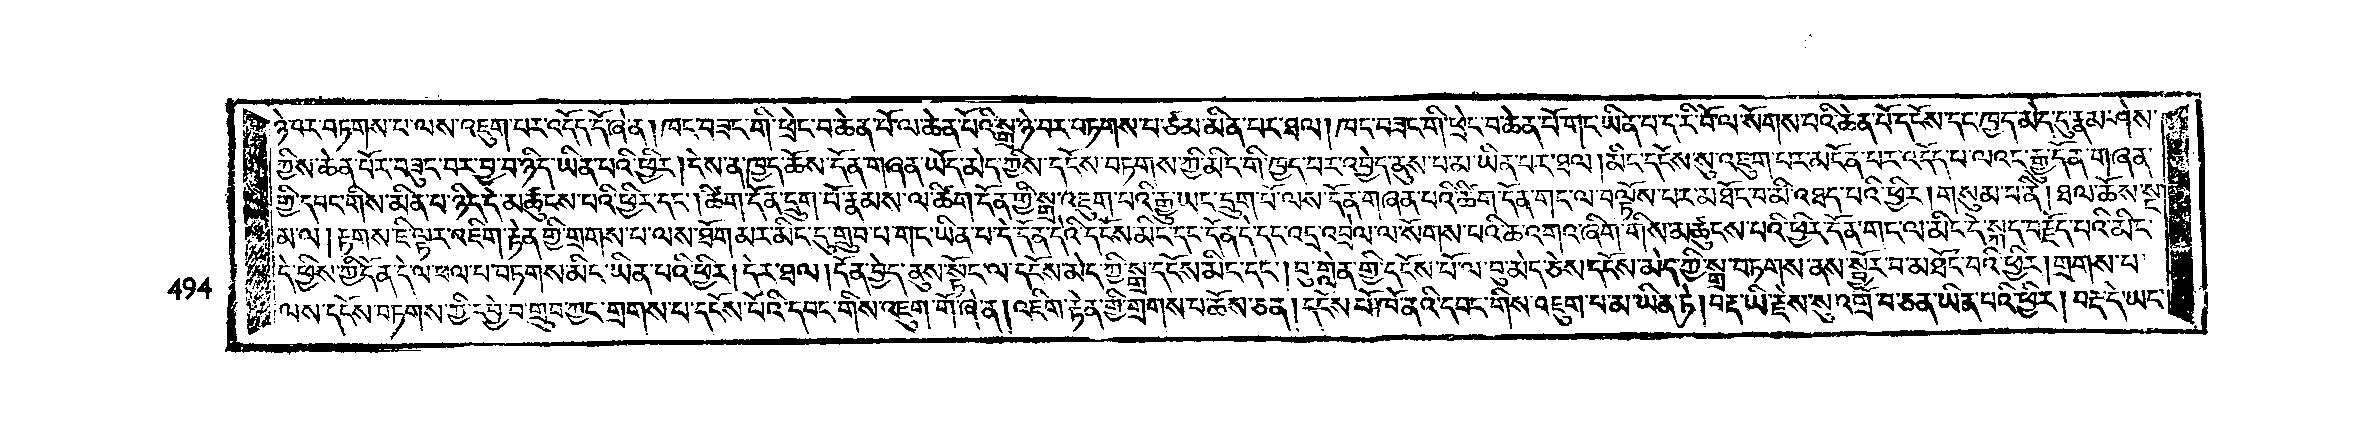ཉེ་བར་བཏགས་པ་ལས་འཇུག་པར་འདོད་དོ་ཞེ་ན། ཁང་བཟང་གི་ཕྲེང་བ་ཆེན་པོ་ལ་ཆེན་པོའི་སྒྲ་ཉེ་བར་བཏགས་པ་ཙམ་མིན་པར་ཐལ། ཁང་བཟང་གི་ཕྲེང་བ་ཆེན་པོ་གང་ཡིན་པ་ད་རི་བོ་ལ་སོགས་པའི་ཆེན་པོ་དངོས་དང་ཁྱད་མེད་དུ་རྣམ་ཤེས་
ཀྱིས་ཆེན་པོར་བཟུང་བར་བྱ་བ་ཉིད་ཡིན་པའི་ཕྱིར། དེས་ན་ཁྱད་ཆོས་དོན་གཞན་ཡོད་མེད་ཀྱིས་དངོས་བཏགས་ཀྱི་མིང་གི་ཁྱད་པར་འབྱེད་ནུས་པ་མ་ཡིན་པར་ཐལ། མིང་དངོས་སུ་འཇུག་པར་མངོན་པར་འདོད་པ་ལའང་རྒྱུ་དོན་གཞན་
གྱི་དབང་གིས་མིན་པ་ཉིད་དེ་མཚུངས་པའི་ཕྱིར་དང་། ཚིག་དོན་དྲུག་པོ་རྣམས་ལ་ཚིག་དོན་གྱི་སྒྲ་འཇུག་པའི་རྒྱུ་ཡང་དྲུག་པོ་ལས་དོན་གཞན་པའི་ཚིག་དོན་གང་ལ་བལྟོས་པར་མཐོང་བ་མི་འཐད་པའི་ཕྱིར། གསུམ་པ་ནི། ཐལ་ཆོས་སྔ་
མ་ལ། རྟགས་ཇི་ལྟར་འཇིག་རྟེན་གྱི་གྲགས་པ་ལས་ཐོག་མར་མིང་དུ་གྲུབ་པ་གང་ཡིན་པ་དེ་དོན་དེའི་དངོས་མིང་དང་དོན་དེ་དང་འདྲ་འབྲེལ་ལ་སོགས་པའི་ཆ་འགའ་ཞིག་གིས་མཚུངས་པའི་ཕྱིར་དོན་གང་ལ་མིང་དེ་སྐད་བརྗོད་པའི་མིང་
དེ་ཕྱིས་ཀྱི་དོན་དེ་ལ་ཕལ་པ་བཏགས་མིང་ཡིན་པའི་ཕྱིར། དེར་ཐལ། དོན་བྱེད་ནུས་སྟོང་ལ་དངོས་མེད་ཀྱི་སྒྲ་དངོས་མིང་དང་། བུ་གླེན་གྱི་དངོས་པོ་ལ་བུ་མེད་ཅེས་དངོས་མེད་ཀྱི་སྒྲ་བཏགས་ནས་སྦྱོར་བ་མཐོང་བའི་ཕྱིར། གྲགས་པ་
ལས་དངོས་བཏགས་ཀྱི་དབྱེ་བ་གྲུབ་ཀྱང་གྲགས་པ་དངོས་པོའི་དབང་གིས་འཇུག་གོ་ཞེ་ན། འཇིག་རྟེན་གྱི་གྲགས་པ་ཆོས་ཅན། དངོས་པོ་ཁོ་ནའི་དབང་གིས་འཇུག་པ་མ་ཡིན་ཏེ། བརྡ་ཡི་རྗེས་སུ་འགྲོ་བ་ཅན་ཡིན་པའི་ཕྱིར། བརྫ་དེ་ཡང་